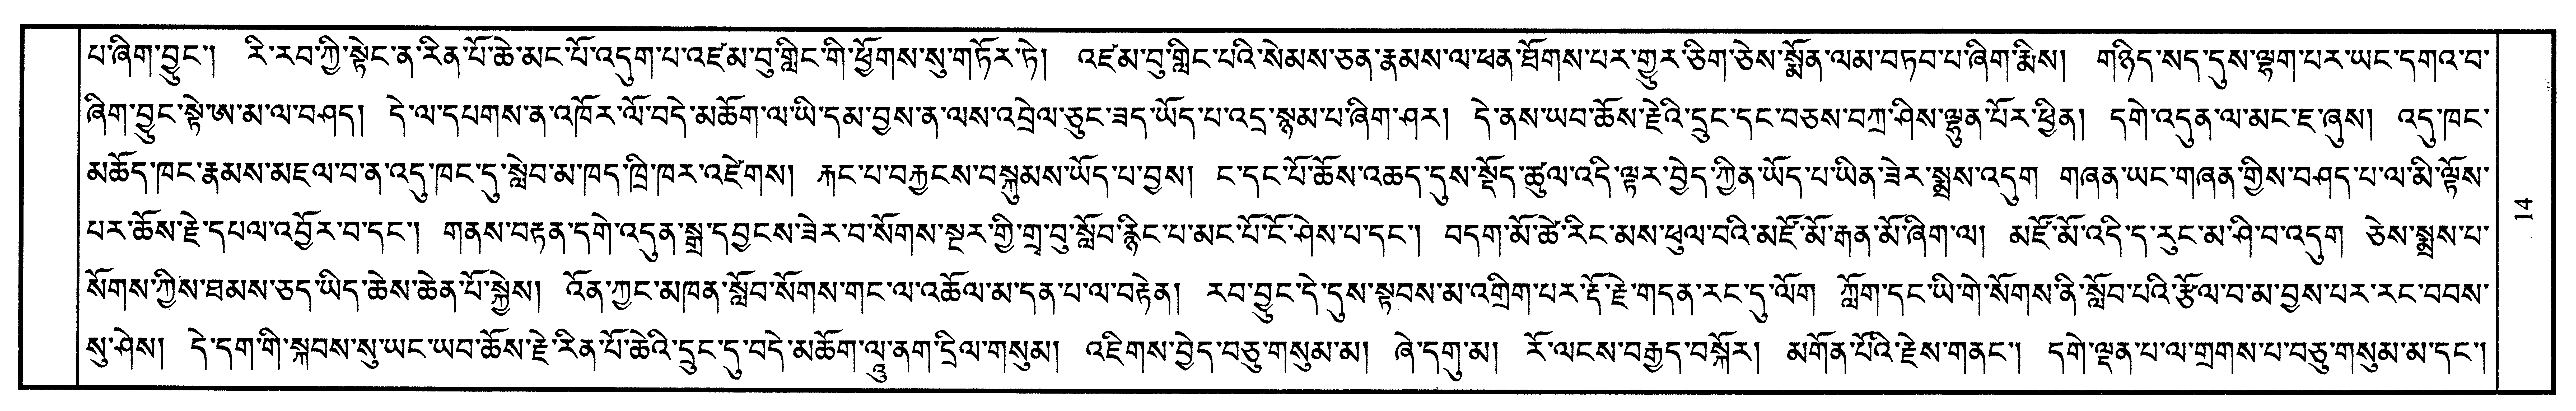པ་ཞིག་བྱུང་། རི་རབ་ཀྱི་སྟེང་ན་རིན་པོ་ཆེ་མང་པོ་འདུག་པ་འཛམ་བུ་གླིང་གི་ཕྱོགས་སུ་གཏོར་ཏེ། འཛམ་བུ་གླིང་པའི་སེམས་ཅན་རྣམས་ལ་ཕན་ཐོགས་པར་གྱུར་ཅིག་ཅེས་སྨོན་ལམ་བཏབ་པ་ཞིག་རྨིས། གཉིད་སད་དུས་ལྷག་པར་ཡང་དགའ་བ་
ཞིག་བྱུང་སྟེ་ཨ་མ་ལ་བཤད། དེ་ལ་དཔགས་ན་འཁོར་ལོ་བདེ་མཆོག་ལ་ཡི་དམ་བྱས་ན་ལས་འབྲེལ་ཅུང་ཟད་ཡོད་པ་འདྲ་སྙམ་པ་ཞིག་ཤར། དེ་ནས་ཡབ་ཆོས་རྗེའི་དྲུང་དང་བཅས་བཀྲ་ཤིས་ལྷུན་པོར་ཕྱིན། དགེ་འདུན་ལ་མང་ཇ་ཞུས། འདུ་ཁང་
མཆོད་ཁང་རྣམས་མཇལ་བ་ན་འདུ་ཁང་དུ་སླེབ་མ་ཁད་ཁྲི་ཁར་འཛེགས། རྐང་པ་བརྐྱངས་བསྐུམས་ཡོད་པ་བྱས། ང་དང་པོ་ཆོས་འཆད་དུས་སྡོད་ཚུལ་འདི་ལྟར་བྱེད་ཀྱིན་ཡོད་པ་ཡིན་ཟེར་སྨྲས་འདུག །གཞན་ཡང་གཞན་གྱིས་བཤད་པ་ལ་མི་ལྟོས་
པར་ཆོས་རྗེ་དཔལ་འབྱོར་བ་དང་། གནས་བརྟན་དགེ་འདུན་སྒྲ་དབྱངས་ཟེར་བ་སོགས་སྔར་གྱི་གྲྭ་བུ་སློབ་རྙིང་པ་མང་པོ་ངོ་ཤེས་པ་དང་། བདག་མོ་ཚེ་རིང་མས་ཕུལ་བའི་མཛོ་མོ་རྒན་མོ་ཞིག་ལ། མཛོ་མོ་འདི་ད་རུང་མ་ཤི་བ་འདུག། ཅེས་སྨྲས་པ་
སོགས་ཀྱིས་ཐམས་ཅད་ཡིད་ཆེས་ཆེན་པོ་སྐྱེས། འོན་ཀྱང་མཁན་སློབ་སོགས་གང་ལ་འཆོལ་མ་དན་པ་ལ་བརྟེན། རབ་བྱུང་དེ་དུས་སྟབས་མ་འགྲིག་པར་རྡོ་རྗེ་གདན་རང་དུ་ལོག །ཀློག་དང་ཡི་གེ་སོགས་ནི་སློབ་པའི་རྩོལ་བ་མ་བྱས་པར་རང་བབས་
སུ་ཤེས། དེ་དག་གི་སྐབས་སུ་ཡང་ཡབ་ཆོས་རྗེ་རིན་པོ་ཆེའི་དྲུང་དུ་བདེ་མཆོག་ལཱུ་ནག་དྲིལ་གསུམ། འཇིགས་བྱེད་བཅུ་གསུམ་མ། ཞེ་དགུ་མ། རོ་ལངས་བརྒྱད་བསྐོར། མགོན་པོའི་རྗེས་གནང་། དགེ་ལྡན་པ་ལ་གྲགས་པ་བཅུ་གསུམ་མ་དང་།